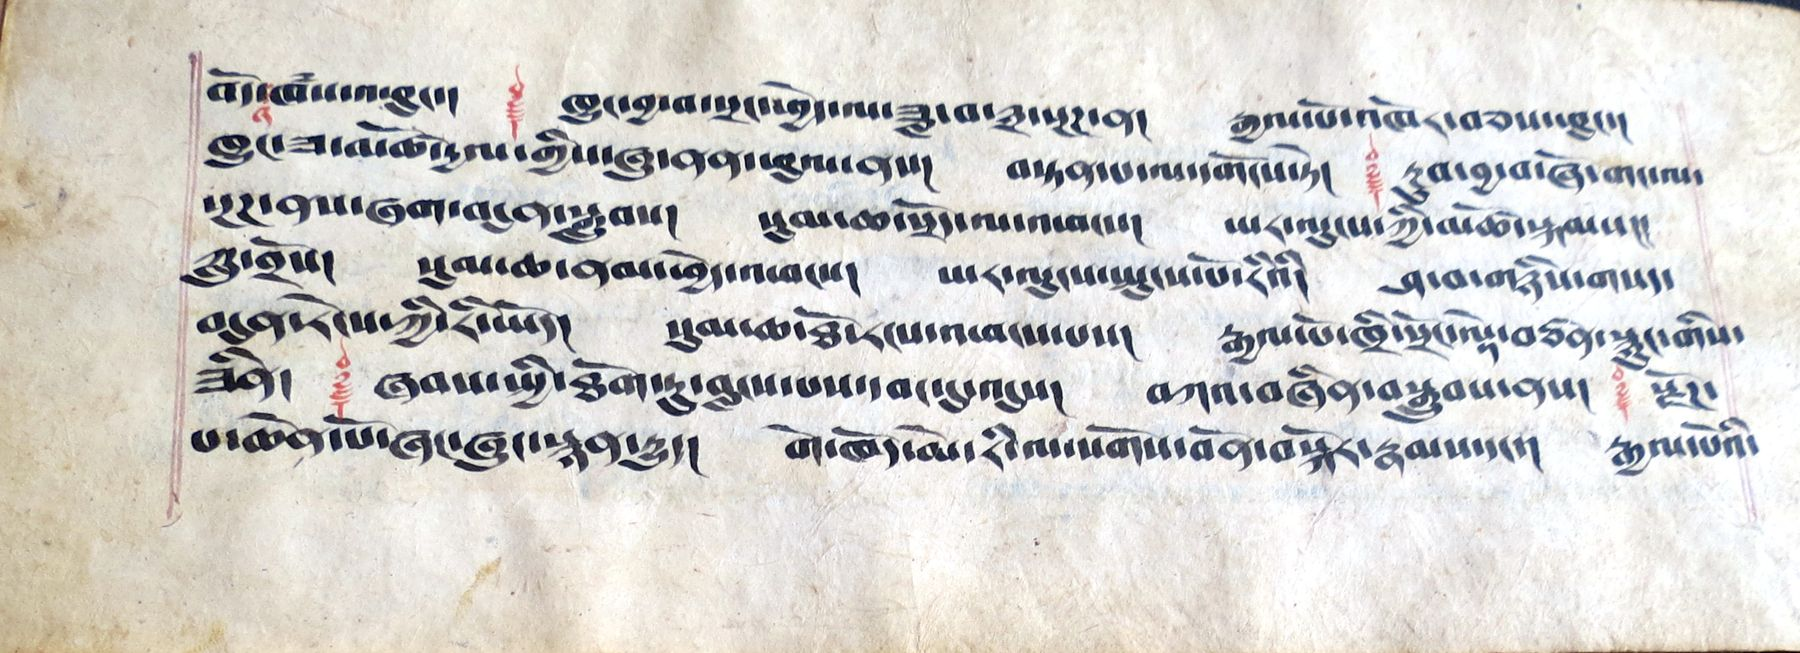བོད་ཁམས་ཕུང་། ཁྱུང་བྱ་བ་སྲང་ཕྱེད་ལ་ཟླ་བ་གསུམ་སྔགས་ན། རྒྱལ་པོ་འཁོར་བཅས་ཕུང་། 
ཁྱུང་བཟའ་མཚོ་རྒྱལ་གྱིས་ཞུ་ནན་ཕུལ་ནས། བསྟན་པ་ལ་དགོངས་ནས། རྔུབ་བྱ་བ་གསེར་ཞོ་གང་ལ་
སྔགས་ཏེ་ཞག་བདུན་བསྒྲུབས། སུམ་ཆ་སྲོད་ལ་འཕང་། ཡར་ལུང་གི་མཚོ་སྐམས་
ཀླུ་བྲོས། སུམ་ཆ་ནམ་ཕྱེད་ལ་འཕང་། ཡར་ལུང་སྤུངས་ཀྱི་པོ་རིའི། ཤ་བ་གཉིས་གསད། 
མདུན་རེངས་ཀྱི་རི་ཡོད། སུམ་ཆ་ཐོ་རེངས་ལ་འཕངས་པས། རྒྱལ་པོ་ཁྲི་སྲོང་ལྡེ་བཙན་བསྙུང་གིས་
ཟིན། ཞབས་སྤྱི་ཐོག་བླངས་པས་དབང་དུ་འདུས། བཀའ་བཞིན་བསྒྲུབས་ནས། རྫོགས་
པ་ཆེན་པོ་ཞང་ཞུང་སྙན་རྒྱུད། གེ་ཁོད་མེ་རི་ལས་སོགས་སྐོར་རྣམས་དང་། རྒྱལ་པོའི་